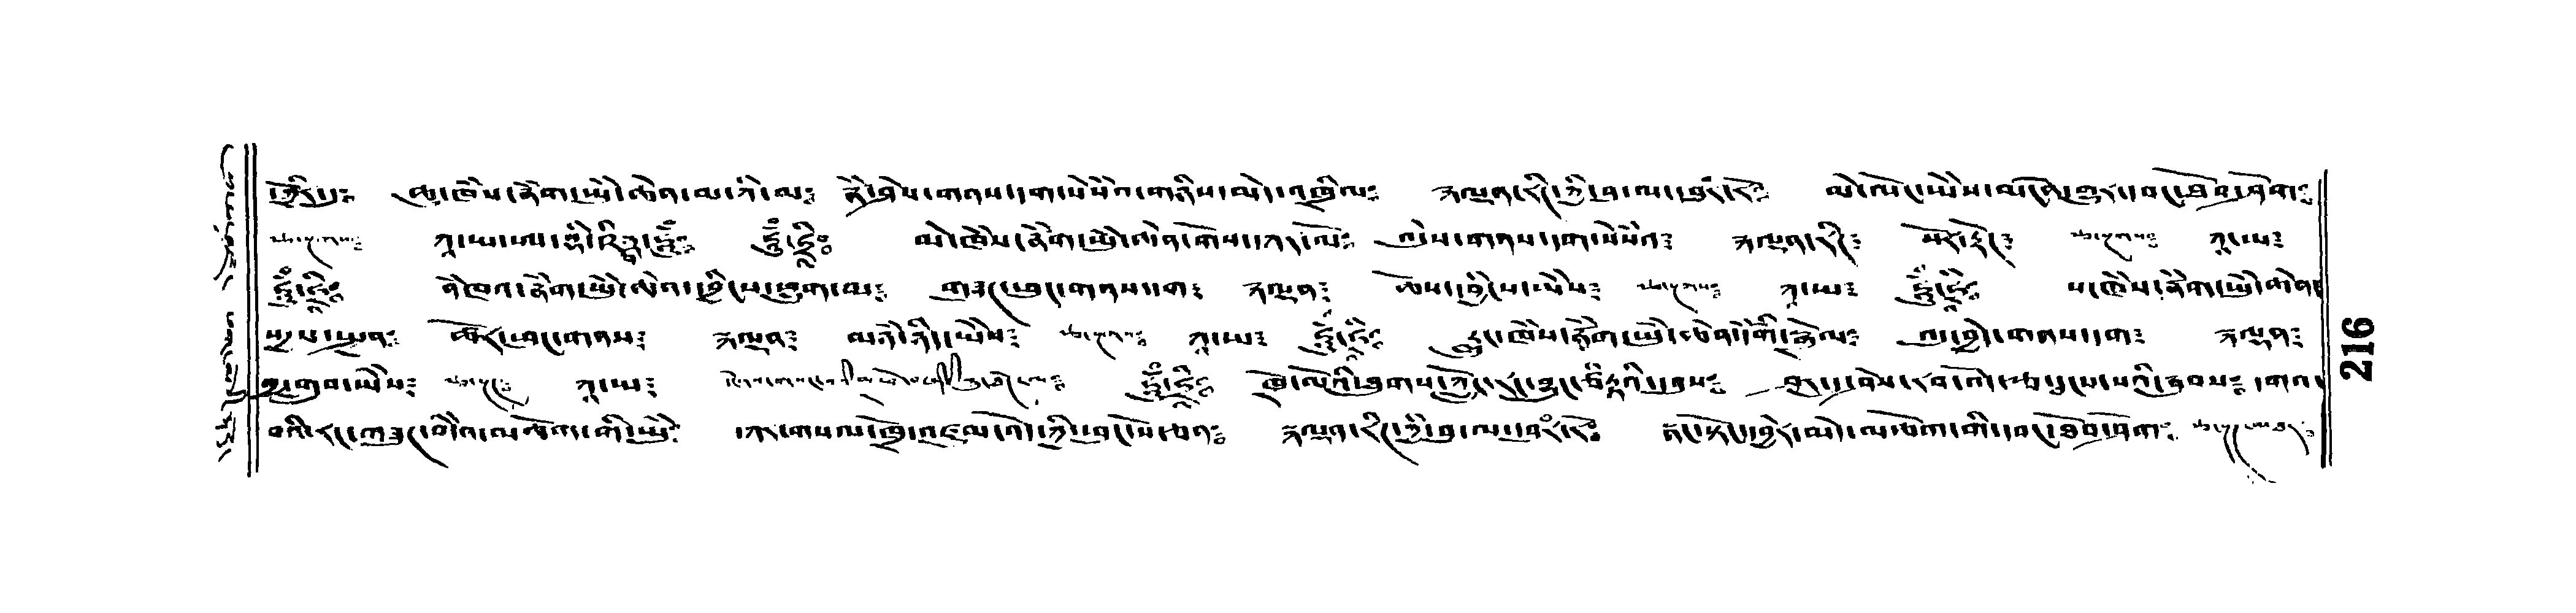དཀྱིལ་འཁོར་དུ༔ ཆུ་ཁམས་རྣམ་དག་ཡུམ་ཆེན་མ་ཀི་མ༔ རྣམ་ཤེས་གནས་དག་སེམས་དཔའ་གཉིས་མེད་འཁྲིལ༔ སྐལ་ལྡན་རིགས་ཀྱི་བུ་ལ་དབང་བསྐུར་རོ༔ མེ་ལོང་ཡེ་ཤེས་མངོན་གྱུར་དབང་ཐོབ་ཤོག༔ 
རྩ་སྔགས༔ ཀཱ་ཡ་ཨ་བྷི་རིཉྩ་ཧཱུྃ༔ ཧཱུྃ་ཧྲཱིཿ མེ་ཁམས་རྣམ་དག་ཡུམ་ཆེན་གོས་དཀར་མོ༔ འདུ་ཤེས་གནས་དག་སེམས་དཔའ༴སྐལ་ལྡན་རིགས༴ སོར་རྟོགས༴ རྩ་སྔགས༔ ཀཱ་ཡ༴ 
ཧཱུྃ་ཧྲཱིཿ ནམ་མཁའ་རྣམ་དག་ཡུམ་ཆེན་དབྱིངས་ཕྱུག་མ༔ གཟུགས་ཕུང་གནས་དག༴ སྐལ་ལྡན༴ ཆོས་དབྱིངས་ཡེ་ཤེས༴ རྩ་སྔགས༔ ཀཱ་ཡ༴ ཧཱུྃ་ཧྲཱིཿ ས་ཁམས་རྣམ་དག་ཡུམ་ཆེན་
སངས་རྒྱས་སྤྱན༔ ཚོར་ཕུང་གནས༴ སྐལ་ལྡན༴ མཉམ་ཉིད་ཡེ་ཤེས༴ རྩ་སྔགས༔ ཀཱ་ཡ༴ ཧཱུྃ་ཧྲཱིཿ རླུང་ཁམས་རྣམ་དག་ཡུམ་ཆེན་དམ་ཚིག་སྒྲོལ༔ འདུ་བྱེད་གནས་དག༴ སྐལ་ལྡན༴ 
བྱ་གྲུབ་ཡེ་ཤེས༴ རྩ་སྔགས༔ ཀཱ་ཡ༴ དེ་ནས་གསང་བའི་མཁའ་འགྲོ་བཞིའི་སྐུ་ཐོགས་ལ༔ ཧཱུྃ་ཧྲཱིཿ ཁྲོ་མོའི་ཐུགས་ཀློང་རང་བྱུང་ཙིཏྟའི་དབུས༔ ཤར་དུ་ཤེས་རབ་འོད་རྩ་དྭངས་པའི་སྦུབས༔ དགའ་
བའི་རང་གཟུགས་བདེ་ཆེན་མཆོག་གི་ཡུམ༔ དཀར་གསལ་ཁྲོ་འཛུམ་འོད་ཀྱི་ཕུང་པོ་ཅན༔ སྐལ་ལྡན་རིགས་ཀྱི་བུ་ལ་དབང་བསྐུར་རོ༔ སྣང་སྟོང་དབྱེར་མེད་མཆོག་གི་དབང་ཐོབ་ཤོག༔ རྩ་སྔགས་མཐར༔